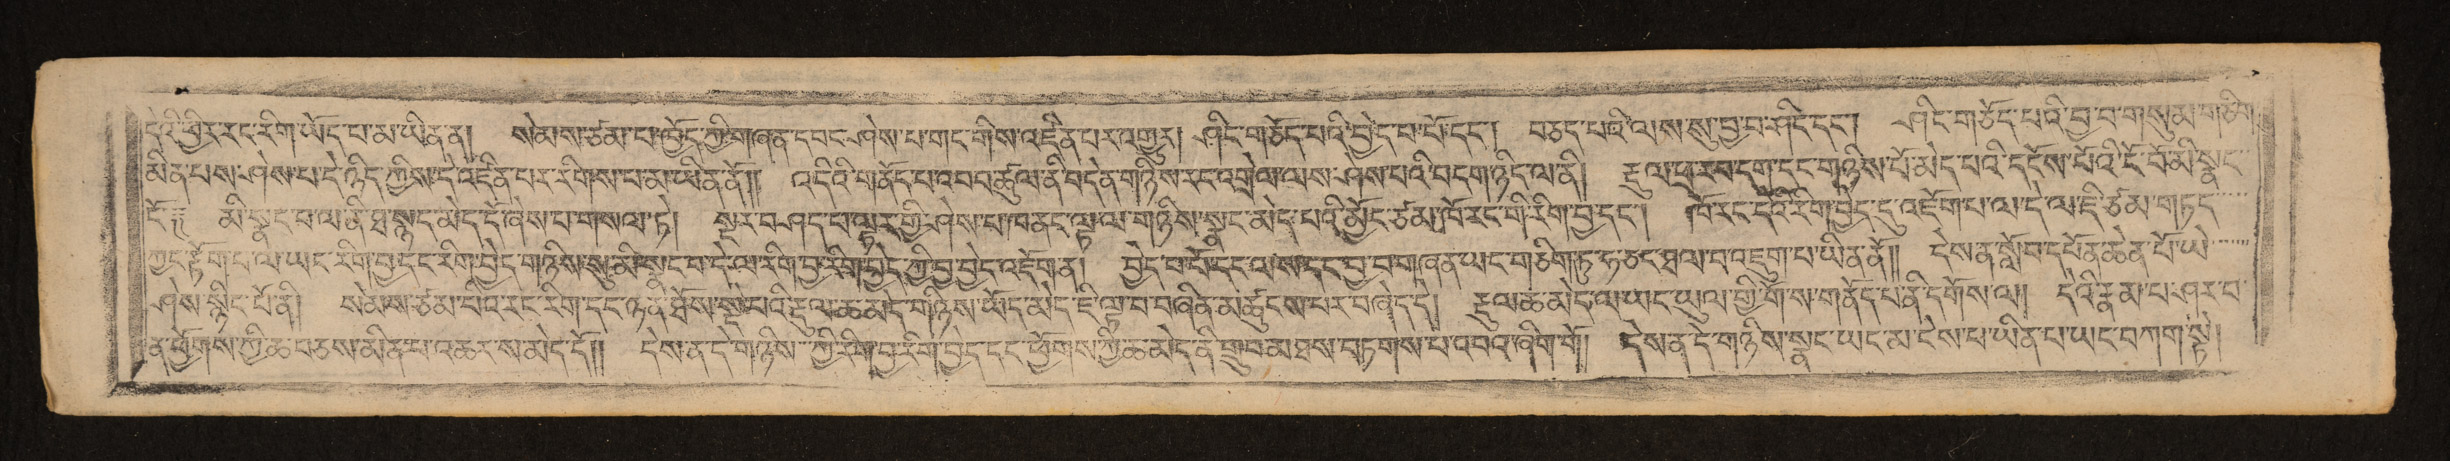དེའི་ཕྱིར་རང་རིག་ཡོད་པ་མ་ཡིན་ན། སེམས་ཙམ་པ་ཁྱོད་ཀྱི་གཞན་དབང་ཤེས་པ་གང་གིས་འཛིན་པར་འགྱུར། ཤིང་གཅོད་པའི་བྱེད་པ་པོ་དང་། བཅད་པའི་ལས་སུ་བྱ་བ་ཤིང་དང་། ཤིང་གཅོད་པའི་བྱ་བ་གསུམ་གཅིག་
མིན་པས་ཤེས་པ་དེ་ཉིད་ཀྱིས་དེ་འཛིན་པར་རིགས་པ་མ་ཡིན་ནོ།། འདིའི་གནོད་པ་འབབ་ཚུལ་ནི་བདེན་གཉིས་རང་འགྲེལ་ལས་ཤེས་པའི་བདག་ཉིད་ལ་ནི། རྡུལ་ཕྲ་རབ་དག་དང་གཉིས་པོ་མེད་པའི་དངོས་པོའི་ངོ་བོ་མི་སྣང་
ངོ༑༑ མི་སྣང་བ་ལ་ནི་ཐ་སྙད་མེད་དོ་ཞེས་པ་གསལ་ཏེ། སྔར་བཤད་པ་ལྟར་གྱི་ཤེས་པ་ཁ་ནང་ལྟ་ལ་གཉིས་སྣང་མེད་པའི་མྱོང་ཙམ་ཁོ་རང་གི་རིག་བྱ་དང་། ཁོ་རང་དེའི་རིག་བྱེད་དུ་འཇོག་པ་ལ་དེ་ལ་ཇི་ཙམ་གཏད་
ཀྱང་རྟོག་པ་ལ་ཡང་རིག་བྱ་དང་རིག་བྱེད་གཉིས་སུ་མི་སྣང་བ་དེ་ལ་རིག་བྱ་རིག་བྱེད་ཀྱི་བྱ་བྱེད་འཇོག་ན། བྱེད་པ་པོ་དང་ལས་དང་བྱ་བ་གཞན་ཡང་གཅིག་ཏུ་ཧ་ཅང་ཐལ་བ་འཇུག་པ་ཡིན་ནོ།། དེས་ན་སློབ་དཔོན་ཆེན་པོ་ཡེ་
ཤེས་སྙིང་པོ་ནི། སེམས་ཙམ་པའི་རང་རིག་དང་ཉན་ཐོས་སྡེ་པའི་རྡུལ་ཆ་མེད་གཉིས་ཡོད་མེད་ཇི་ལྟ་བ་བཞིན་མཚུངས་པར་བཞེད་དེ། རྡུལ་ཆ་མེད་ལ་ཡང་ཡུལ་གྱི་གོ་ས་གནོན་པ་ནི་དགོས་ལ། དེའི་རྣམ་པ་ཤར་བ་
ན་ཕྱོགས་ཀྱི་ཆ་བཅས་མིན་པ་འཆར་ས་མེད་དོ།། དེས་ན་དེ་གཉིས་ཀྱི་རིག་བྱ་རིག་བྱེད་དང་ཕྱོགས་ཀྱི་ཆ་མེད་ནི་གྲུབ་མཐས་བཏགས་པ་འབའ་ཞིག་གོ། དེས་ན་དེ་གཉིས་སྣང་ཡང་མ་ངེས་པ་ཡིན་པ་ཡང་བཀག་སྟེ།